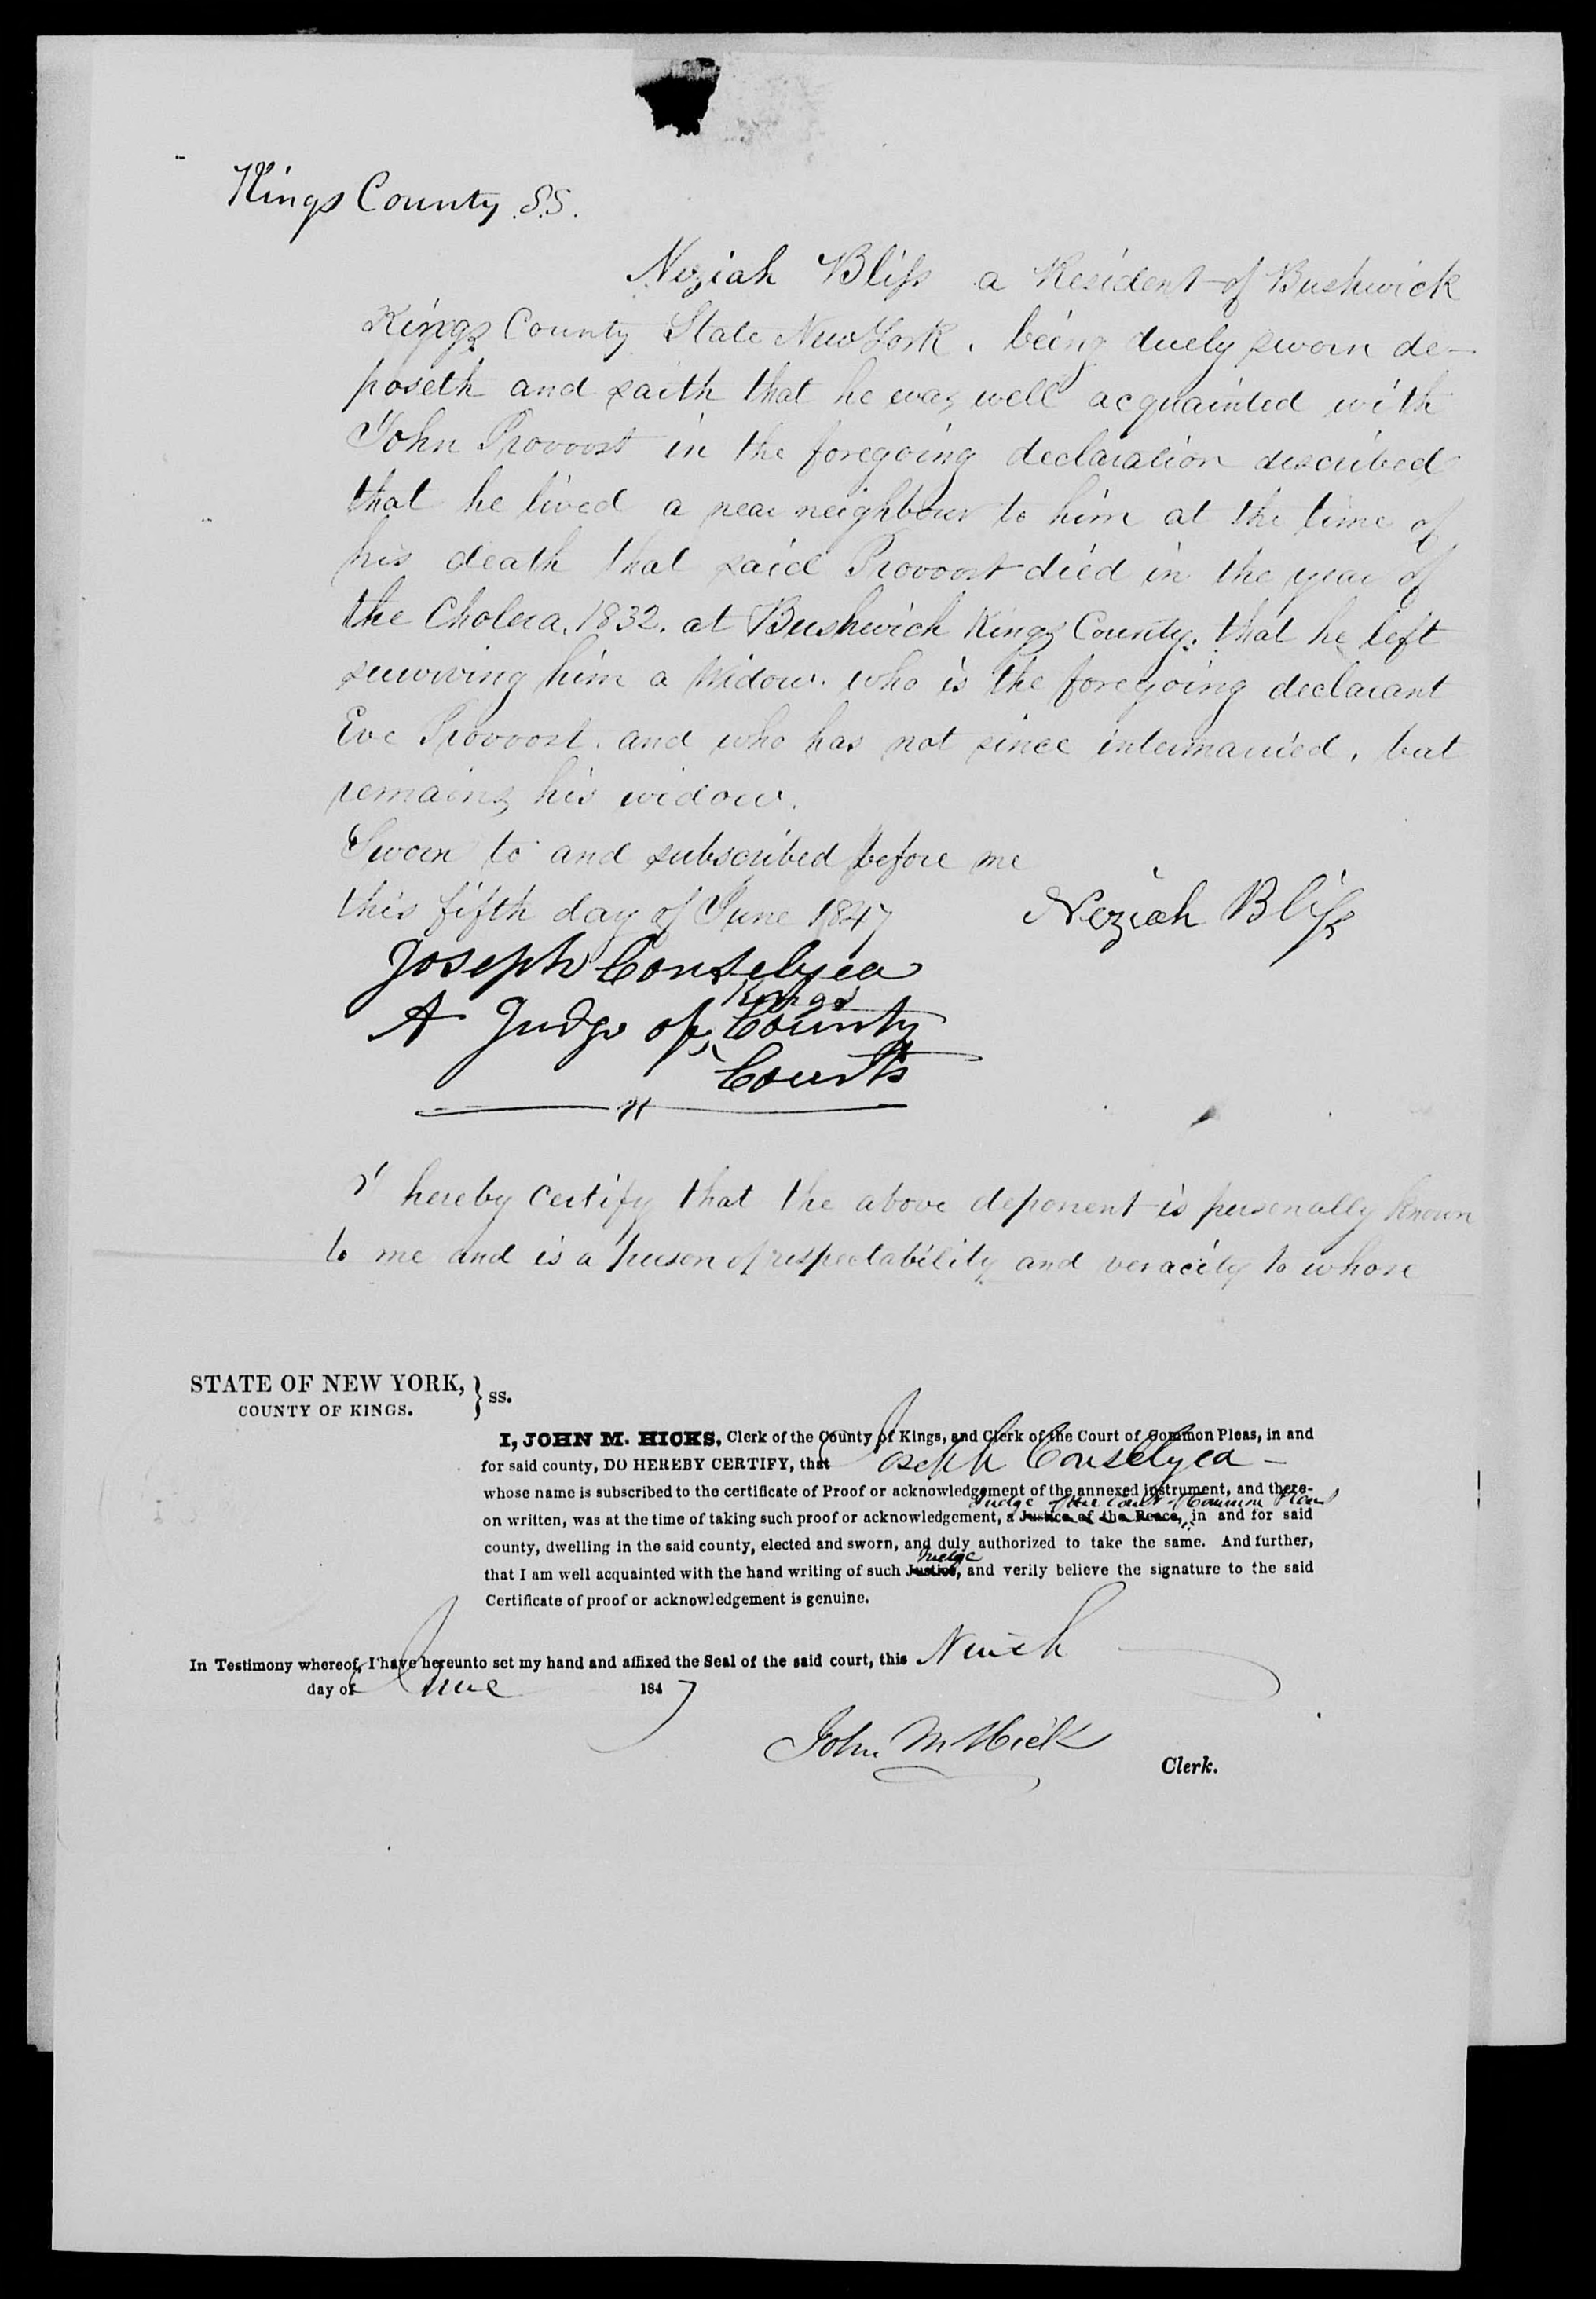Kings County SS Neziah Bliss a Resident of Bushwick Kings County State of New York being duly sworn deposeth and saith that he was well acquainted with John Provoost in the foregoing declaration described that he lived a near neighbour to him at the time of his death that said Provoost died in the year of the Cholera, 1932 at Bushwick Kings County that he left surviving him a Widow who is the foregoing declarant Eve Provoost and who has not since intermarried but remains his widow. Sworn to and subscribed before me this fifth day of June 1847 Heziah Bliss Joseph Conselyea A Judge of Kings County Court. I hereby certify that the above deponent is personally known to me and is a person of respectability and veracity to whose
State of New York, County of Kings. }SS. I, John M. Hicks, Clerk of the County of Kings, and Clerk of the Court of Common Pleas, in and for said county, DO HEREBY CERTIFY, that Joseph Conselyea whose name is subscribed to the certificate of Proof or acknowledgement of the annexed instrument, and there-on written, was at the time of taking such proof or acknowledgement, Judge of the Court of Common Pleas in and for said county, dwelling in the said county, elected and sworn, and duly authorized to take the same. And further, that I am well acquainted with the hand writing of such Judge, and verily believe the signature to the said Certificate of proof or acknowledgement is genuine. In Testimony where, I have hereunto set my hand and affixed the Seal of the said court, this Ninth day of June 1847. John M Hicks, Clerk.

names: John Provoost; John M Hicks; Neziah Bliss; Eve Provoost; Joseph Conselyea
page: 9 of 19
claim: rejected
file: R. 8454, for John Provoost, New Jersey